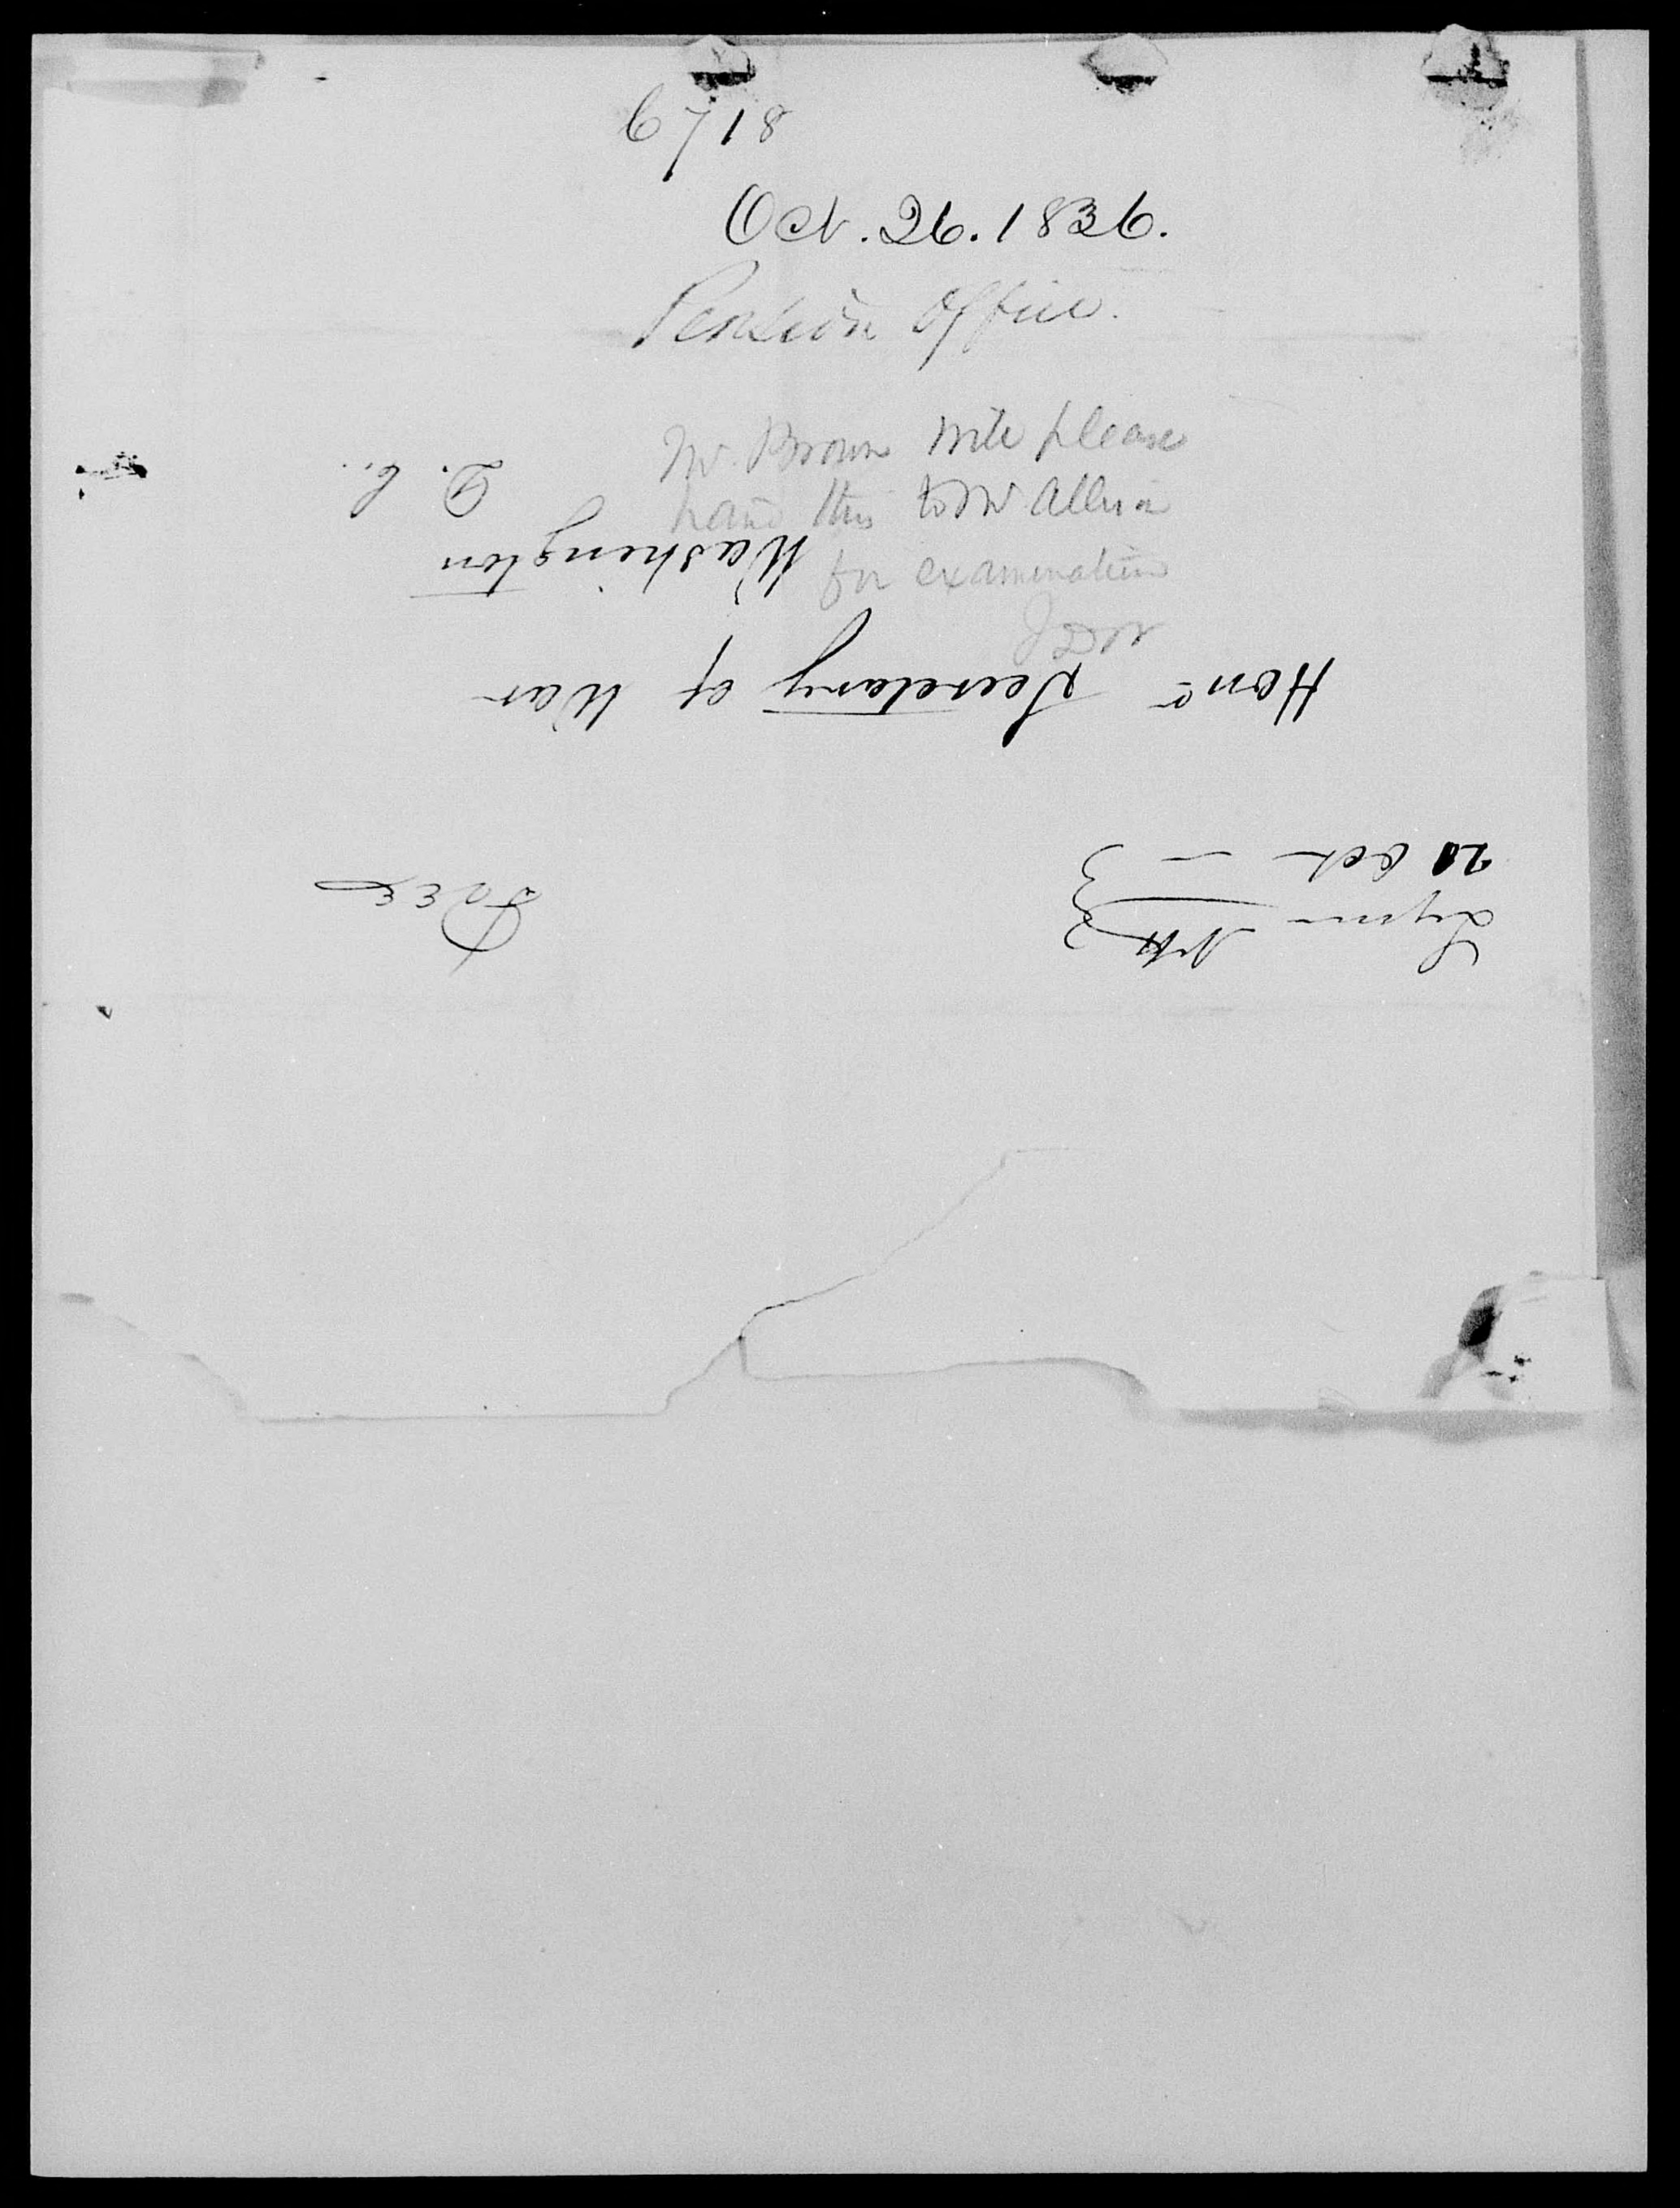6718
Oct .26.1836
Pension Office
Mr. Brown [illegible] please
hand this to Mr. Allison
for examination
JDor

[upside down]
[illegible]
20 Oct
Hon Secretary of War
Washington D.C.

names: Jno Allison; Jno Brown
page: 36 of 40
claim: widow's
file: W. 16058, for George Potter, Rhode Island